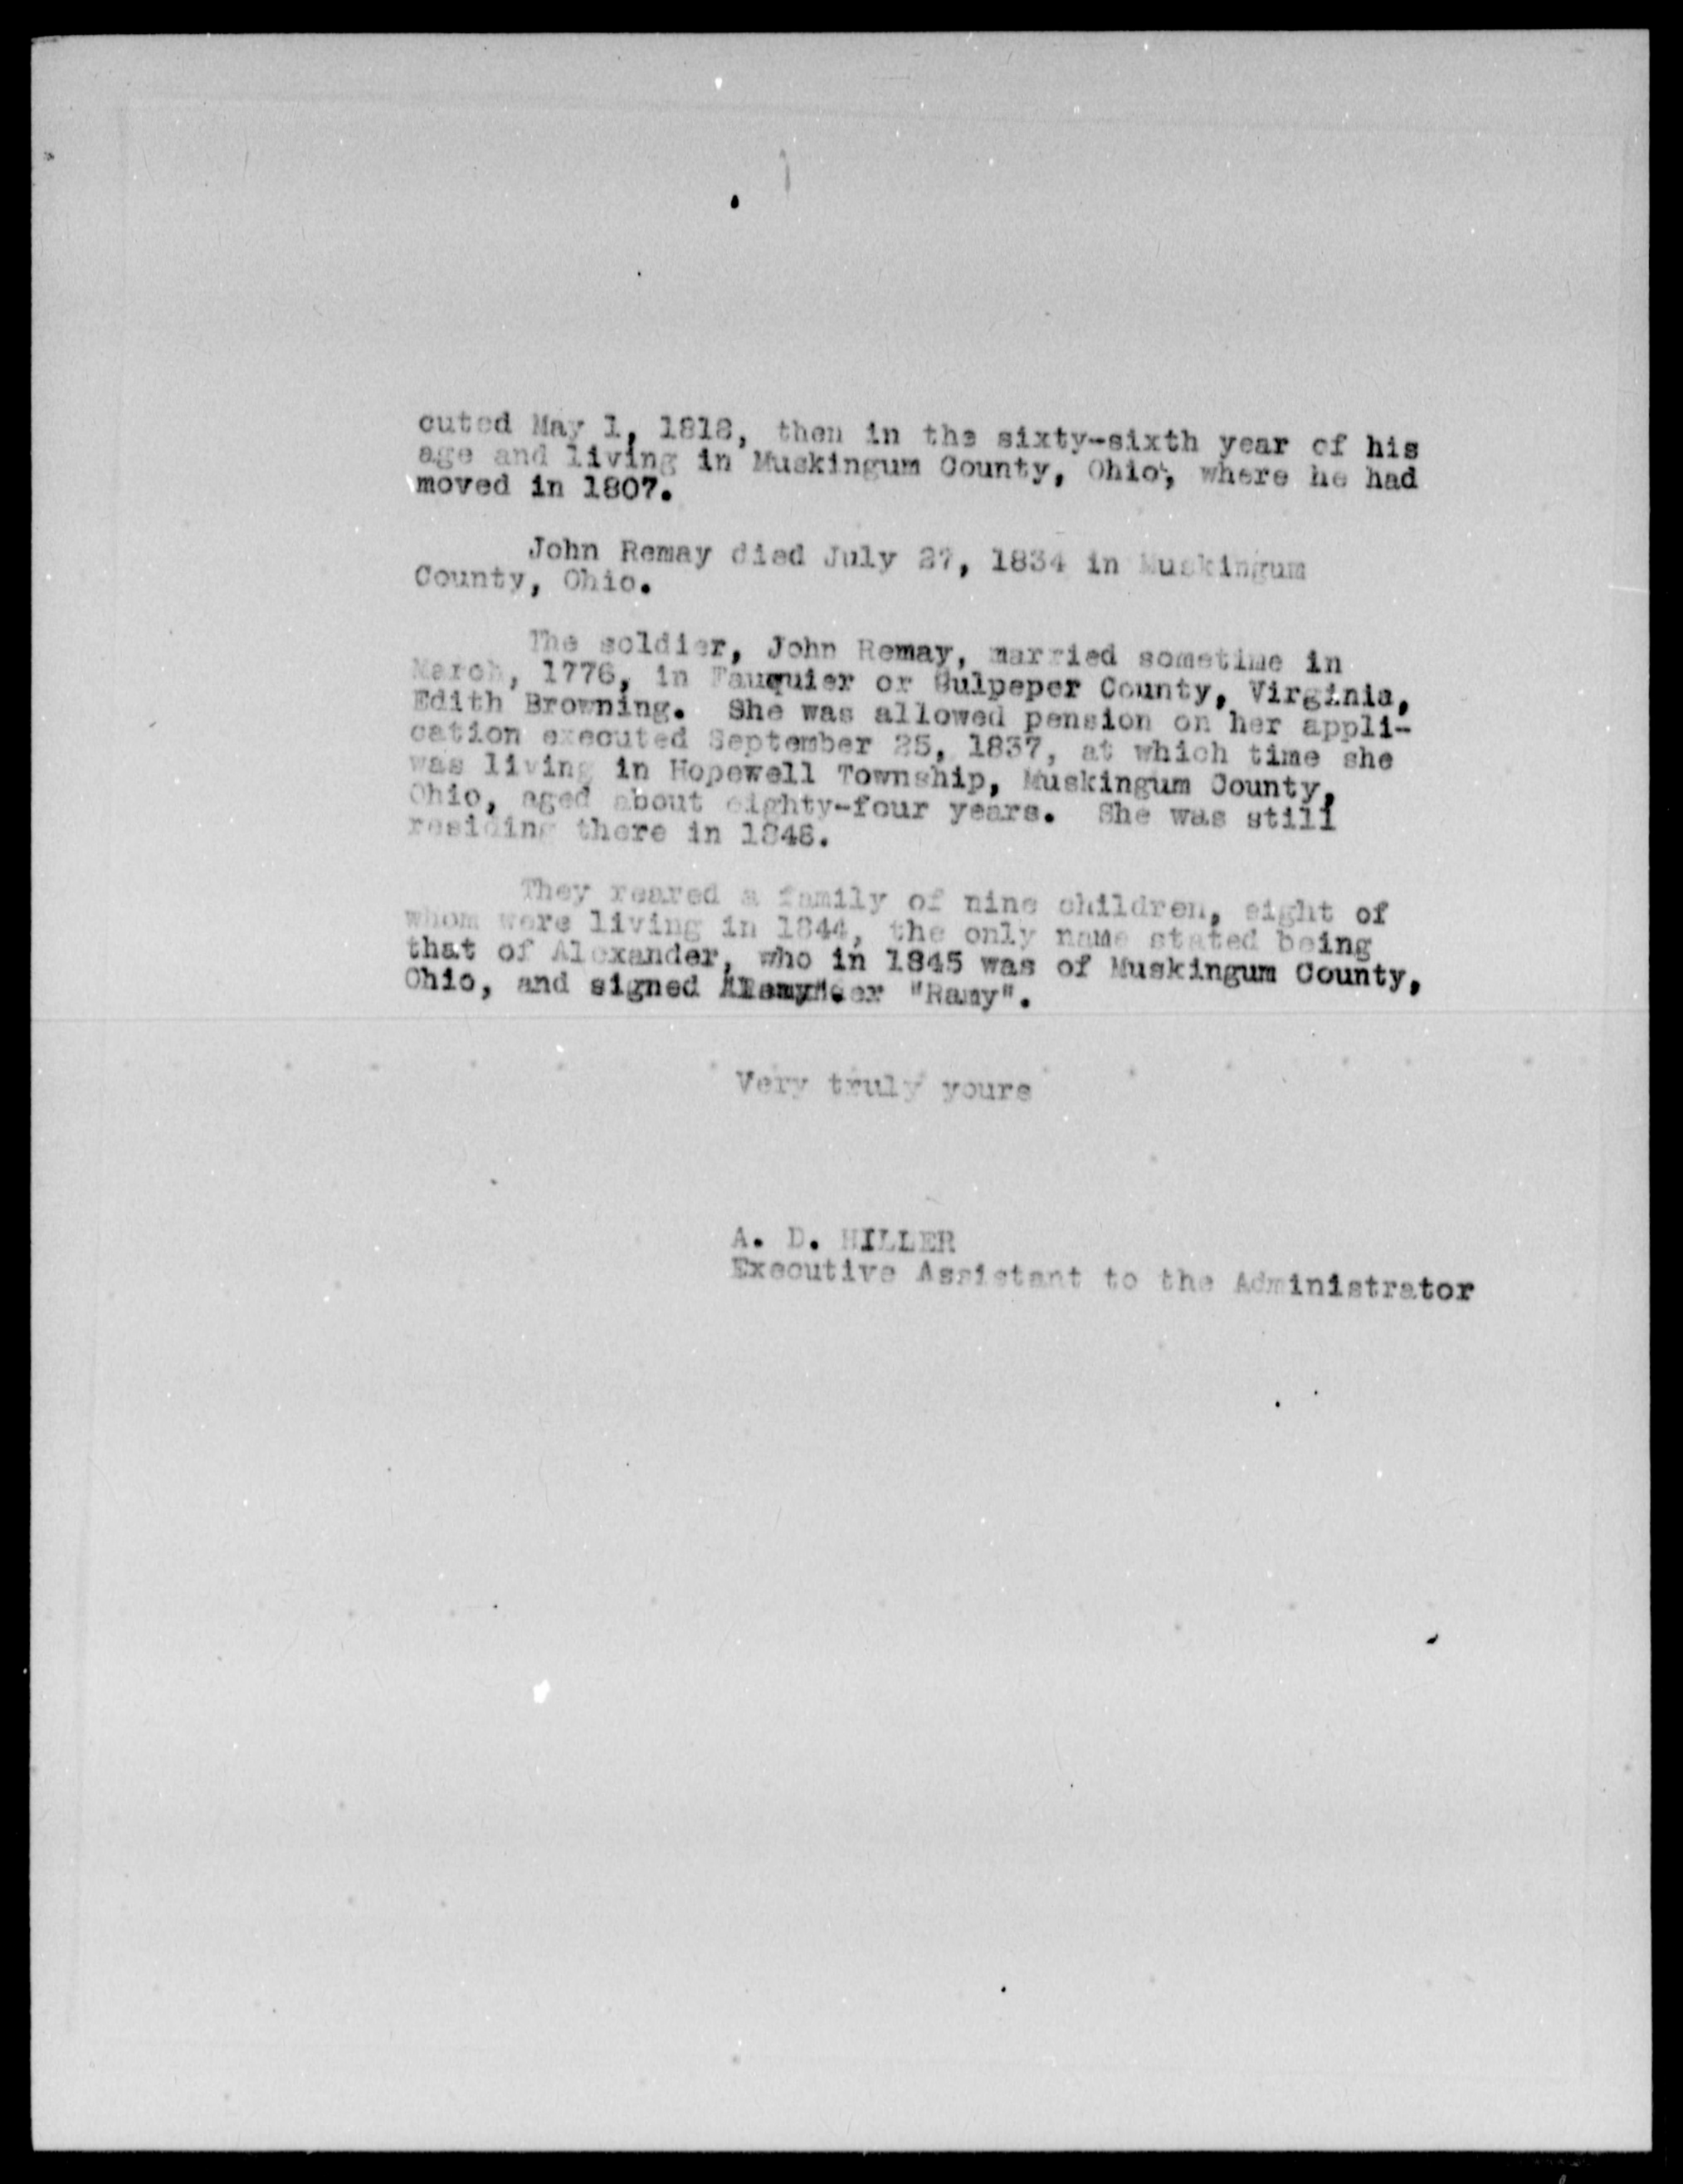cuted May 1, 1818, then in the sixty-sixth year of his age and living in Muskingum County, Ohio, where he had moved in 1807.
John Remay died July 27, 1834 in Muskingum County, Ohio.
The soldier, John Remay, married sometime in March, 1776, in Fauquier or Culpeper County, Virginia, Edith Browning. She was allowed pension on her application executed September 25, 1837, at which time she was living in Hopewell Township, Muskingum County, Ohio, aged about eighty-four years. She was still residing there in 1846.
They reared a family of nine children, eight of whom were living in 1844, the only name stated being that of Alexander, who in 1845 was of Muskingum County, Ohio, and signed Alexander "Ramy".
Very truly yours

A. D. HILLER
Executive Assistant to the Administrator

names: John Remay; A D Hiller; Edith Browning; John Remay; Alexander Ramy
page: 39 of 84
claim: widow's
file: W.11104, for John Remay, Virginia